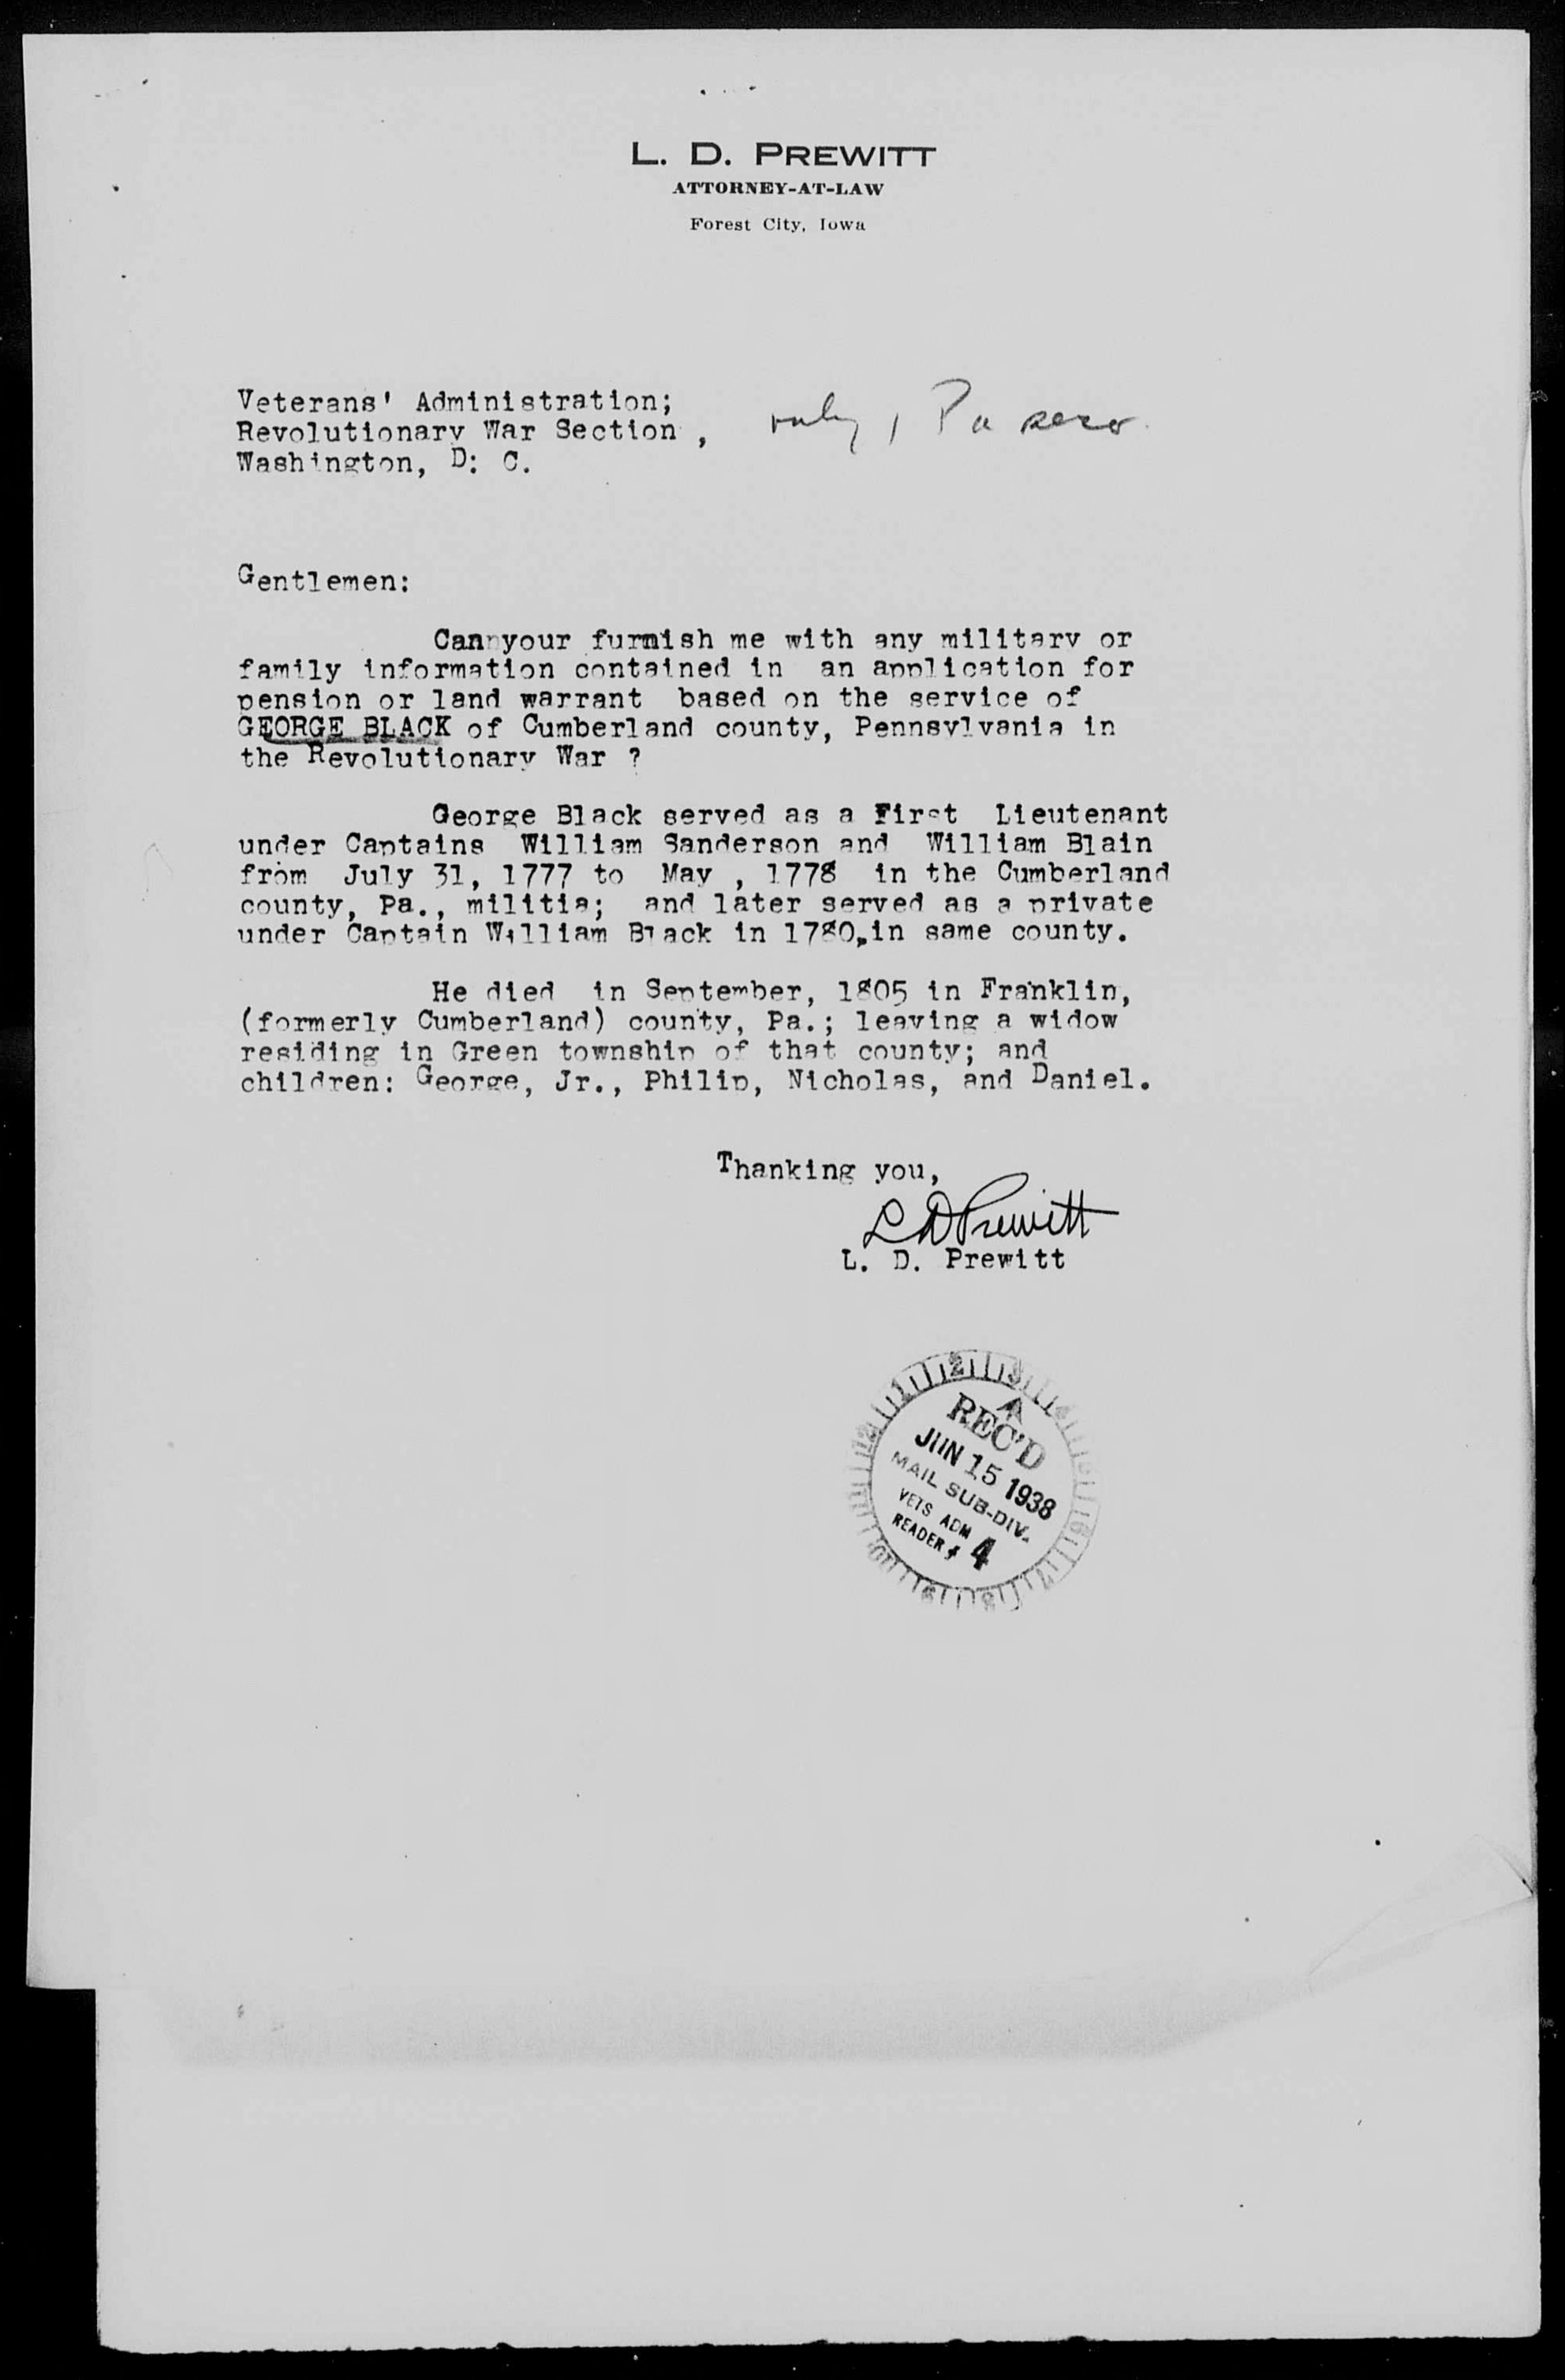L. D. PREWITT
ATTORNEY-AT-LAW
Forest City, Iowa

Veterans' Administration;
Revolutionary War Section,
Washington, D: C.

Gentlemen:
Can your furnish me with any military or family information contained in an application for pension or land warrant based on the service of GEORGE BLACK or Cumberland county, Pennsylvania in the Revolutionary War?

George Black served as a First Lieutenant under Captains William Sanderson and William Blain from July 31, 1777 to May, 1778 in the Cumberland county, Pa., militia; and later served as a private under Captain William Black in 1780, in same county.

He died in September, 1805 in Franklin, (formerly Cumberland) county, Pa.; leaving a widow residing in Green township of that county; and children: George, Jr., Philip, Nicholas, and Daniel.

Thanking you,
LD Prewitt
L. D. Prewitt
REC'D
JUN 15 1938
Mail Sub-Div.
Vets Adm
Reader 4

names: George, L D Prewitt, Daniel, William Sanderson, George Black, L D Prewitt, William Black, Philip Nicholas, L D Prewitt, William Blain, George Black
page: 30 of 30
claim: widow's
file: W. 3211, George Black, Penn.